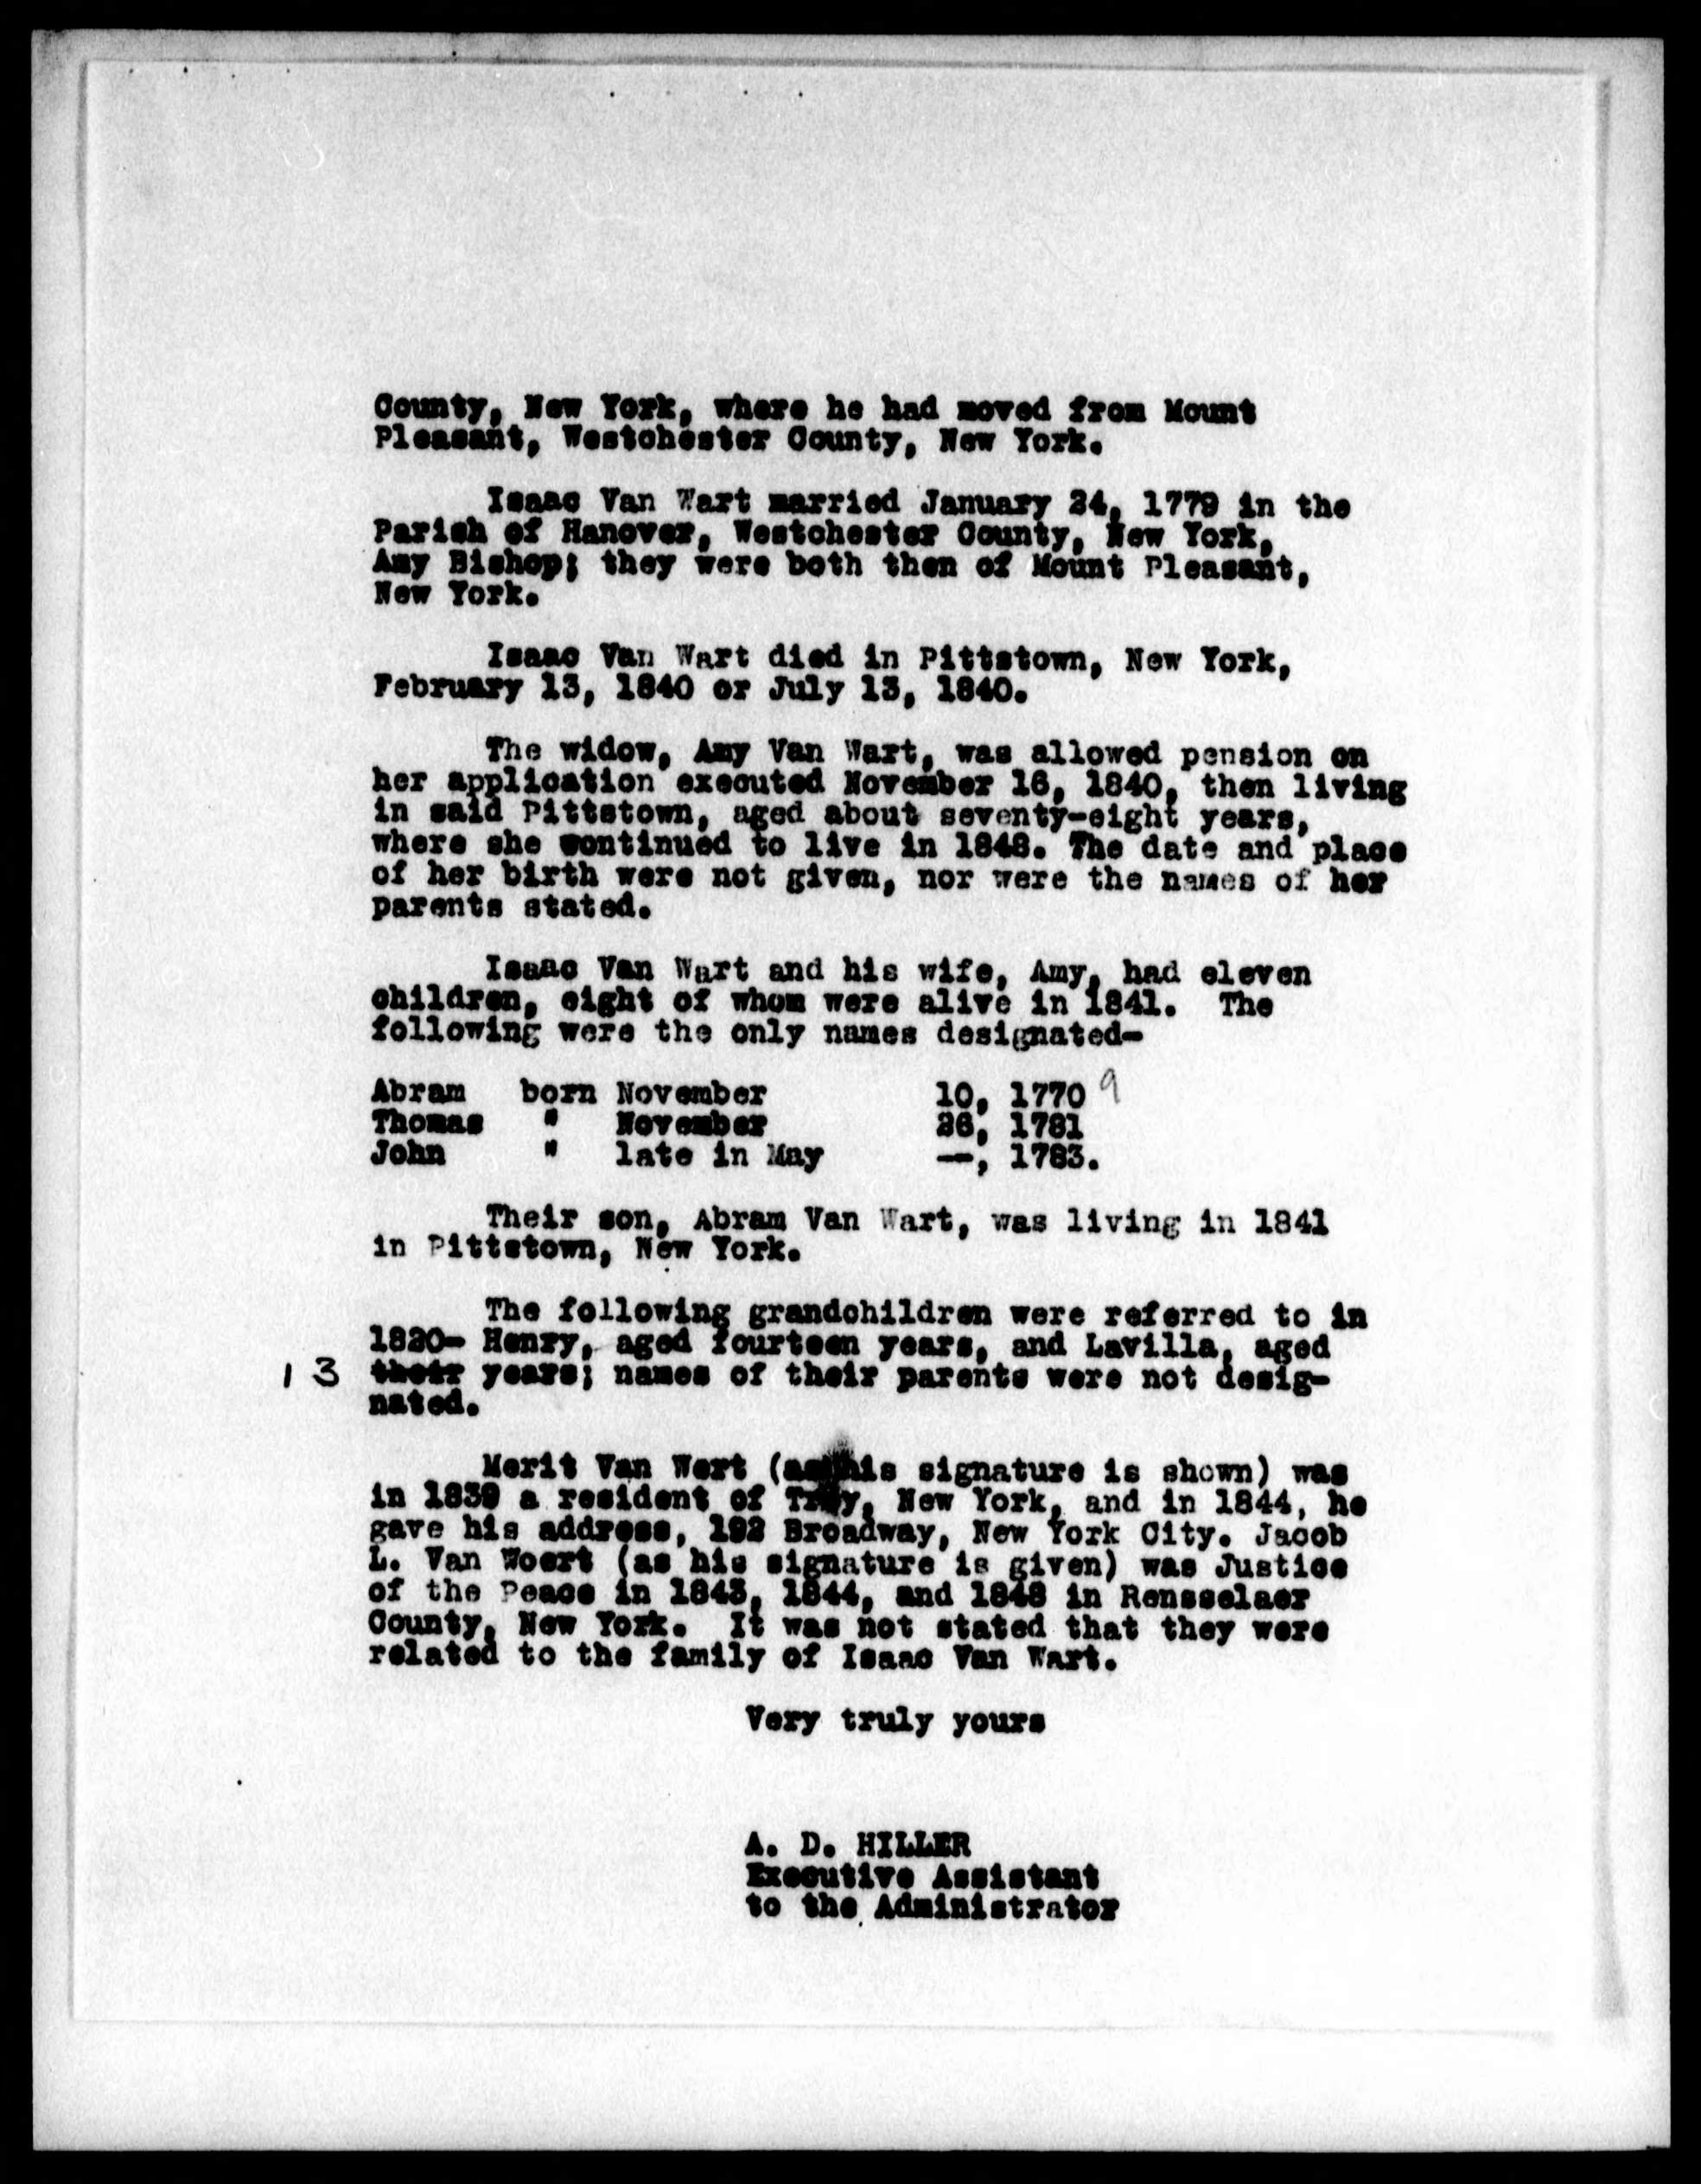County, New York, where he had moved from Mount Pleasant, Westchester County, New York.

    Isaac Van Wart married January 2,1779 in the Parish of Hanover, Westchester County, New York, Amy Bishop; they were both then of Mount Pleasant, New York.

    Isaac Van Wart died in Pittstown, New York, February 13 1840 or July 13, 1840.

    The widow, Amy Van Wart, was allowed pension on her application executed November 16, 1840, then living in said Pittstown, aged about seventy-eight years, where she continued to live in 1848.  The date and place of her birth were not given, nor were the names of her parents stated.

Isaac Van Wart and his wife, Amy, had eleven children, eight of whom were alive in 1841.  The following were the only names designated 

Abram   born November       10, 1770
Thomas     "    November       26, 1781
John          "    late in May        --, 1783.

    Their son, Abram Van Wart, was living in 1841 in Pittstown, New York.

    The following grandchildren were referred to in 1820- Henry, aged fourteen years, and Lavilla, aged 13 years;  names of their parents were not designated.

    Merit Van Wert (as his signature is shown) was in 1839 a resident of Troy, New York, and in 1844 he gave his address, 192 Broadway, New York City.  Jacob L. Van Woert (as his signature is given) was Justice of the Peace in 1843, 1844, and 1848 in Rensselaer County, New York.  It was not stated that they were related to the family of Isaac Van Wart.

Very truly yours

A. D. HILLER
Executive Assistant 
to the Administrator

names: Thomas, Amy Bishop, Lavilla, Henry, Merit Van Wart, Isaac Van Wart, Abram, Isaac Van Wart, A D Hiller, Jacob L Van Woert, Isaac Van Wart, Isaac Van Wart, Amy Van Wart, Abram Van Wart, Amy, John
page: 18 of 102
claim: widow's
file: W. 18239, Isaac Van Wart, New York